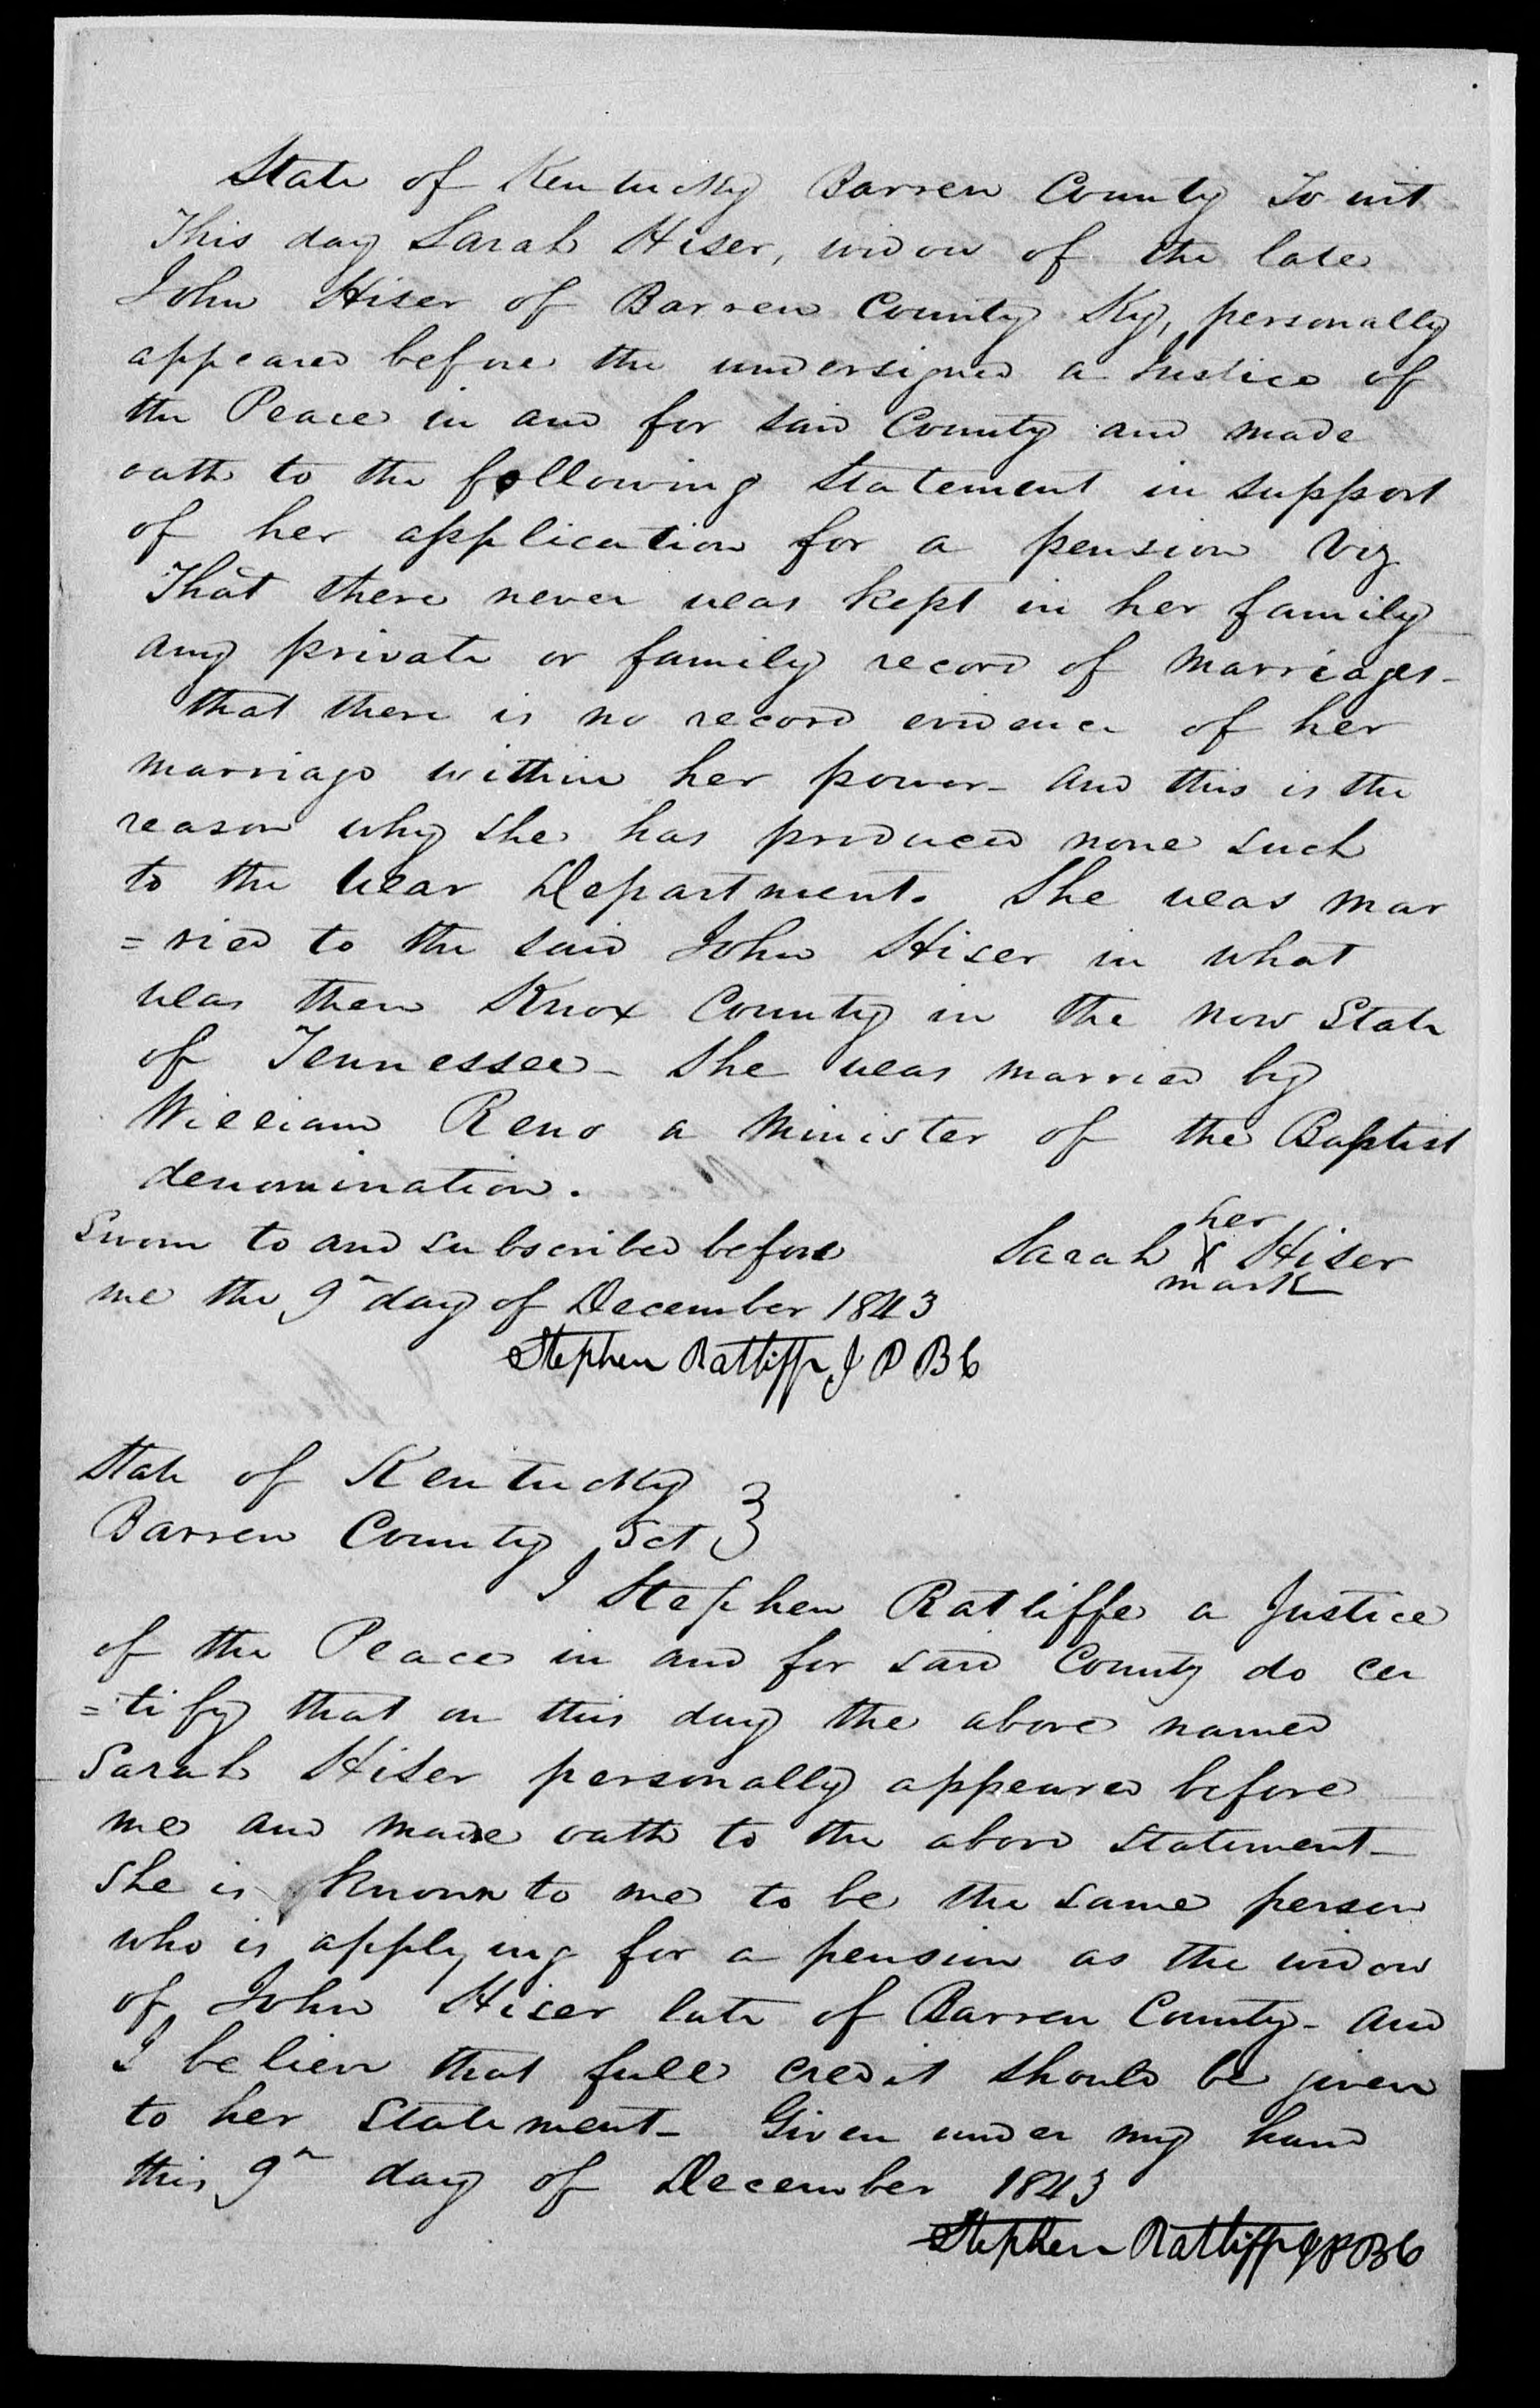State of Kentucky Barren County To wit
This day Sarah Hiser, widow of the late John Hiser of Barren County Ky, personally appeared before the undersigned a Justice of the Peace in and for said County and made oath to the following Statement in support of her application for a pension viz. That there never were kept in her family any private or family record of marriages- That there is no record evidence of her marriage within her power- And this is the reason why She has produced none such to the War Department. She was married to the said John Hiser in what was then Knox County in the now State of Tennessee- She was married by William Reno a Minister of the Baptist denomination. 
Sarah  her   X  mark    Hiser

Sworn toad subscribed before me the 9th day of December 1843
Stephen Ratliffe J P B C

State of Kentucky
Barren County Sct}
I Stephen Ratliffe a Justice of the Peace in and for said County do certify that on this day the above names Sarah Hiser personally appeared before me and made oath to the above Statement- She is known to me to be the same person who is applying for a pension as the widow of John Hiser late of Barren County- And I believe that full credit should be given to her Statement- Given under my hand this 9th day of December 1843
Stephen Ratliffe J P B C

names: John Hiser, Stephen Ratliff, Sarah Hiser, John Hiser, Sarah Hiser, William Reno, Sarah Hiser, John Hiser, Stephen Ratliff, Stephen Ratliffe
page: 57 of 58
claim: widow's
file: W. 8932, John Hiser, Penn.